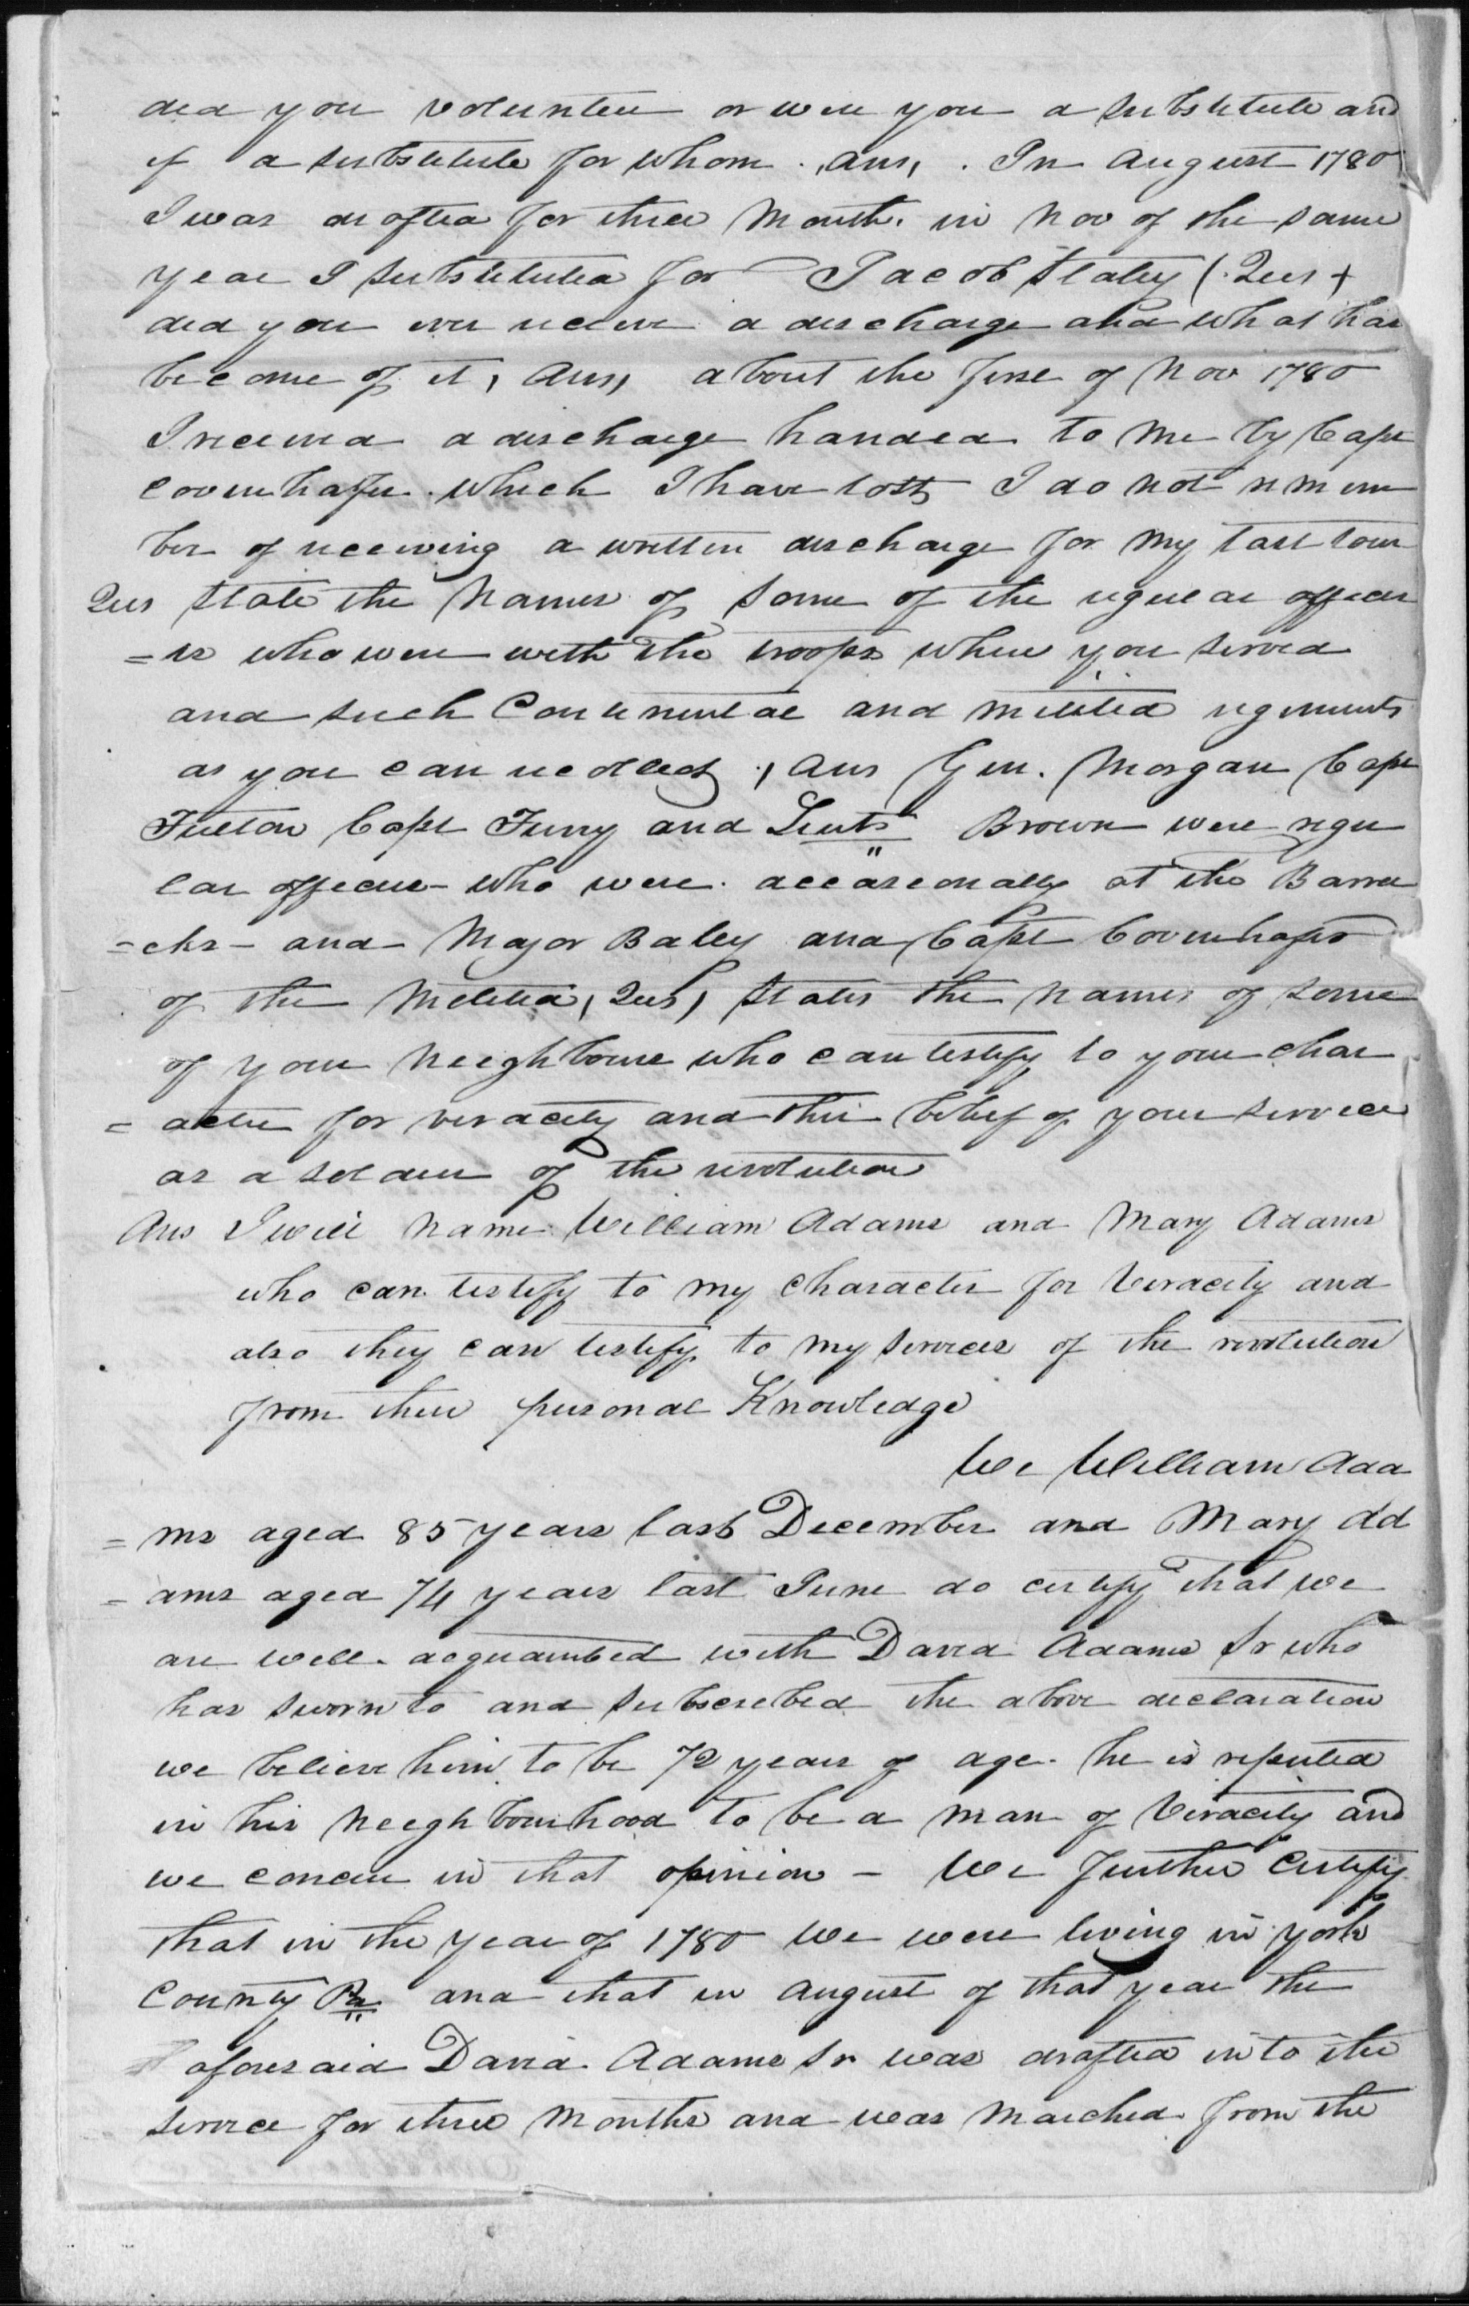[All Handwritten]

did you volunteer or were you a substitute and
if a substitute for whom 
ans, In August 1780 I was drafted for three month, [sic] in Nov of the same
year I substitute for Jacob Staley 

(Ques)did you ever receive a discharge and what has become of it, 
ans, about the first of Nov 1780
I received a discharge handed to me by Capt
Covenhafer which I have lost I do not remember of receiving a written discharge for my last tour

Ques state the names of some of the regular officers who were with the troops where you served and such Continental and militia regiments as you can recollect.
ans Gen. Morgan Capt Fulton Capt Ferry and Lieuts Brown were regular officers who were accasionally [sic] at the Barracks - and Major Baley and Capt Covenhafer of the militia, 

Ques, states [sic] the names of some
of your neighbours who can testify to your character for veracity and their belief of your service as a soldier of the revolution
Ans I will name William Adams and Mary Adams who can testify to my character for veracity and also they can testify to my services of the revolution from their personal knowledge

We William Adams aged 85 years last December and Mary Adams aged 74 years last June do certify that we are well acquainted with David Adams Sr who has sworn to and subscribed the above declaration
we believe him to be 72 years of age. he is reputed in his neighbourhood to be a man of veracity and we concur in that opinion - We further certify that in the year of 1780 we were living in York County Pa and that in August of that year the aforesaid David Adams Sr was drafted into the service for three months and was marched from the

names: Covenhafer, Jacob Staley, Brown, David Adams, Fulton, Mary Adams, Baley, Covenhafer, Furry, David Adams, Morgan, Mary Adams, William Adams, William Adams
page: 5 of 13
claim: survivor's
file: S 30,815, David Adams, Penn.